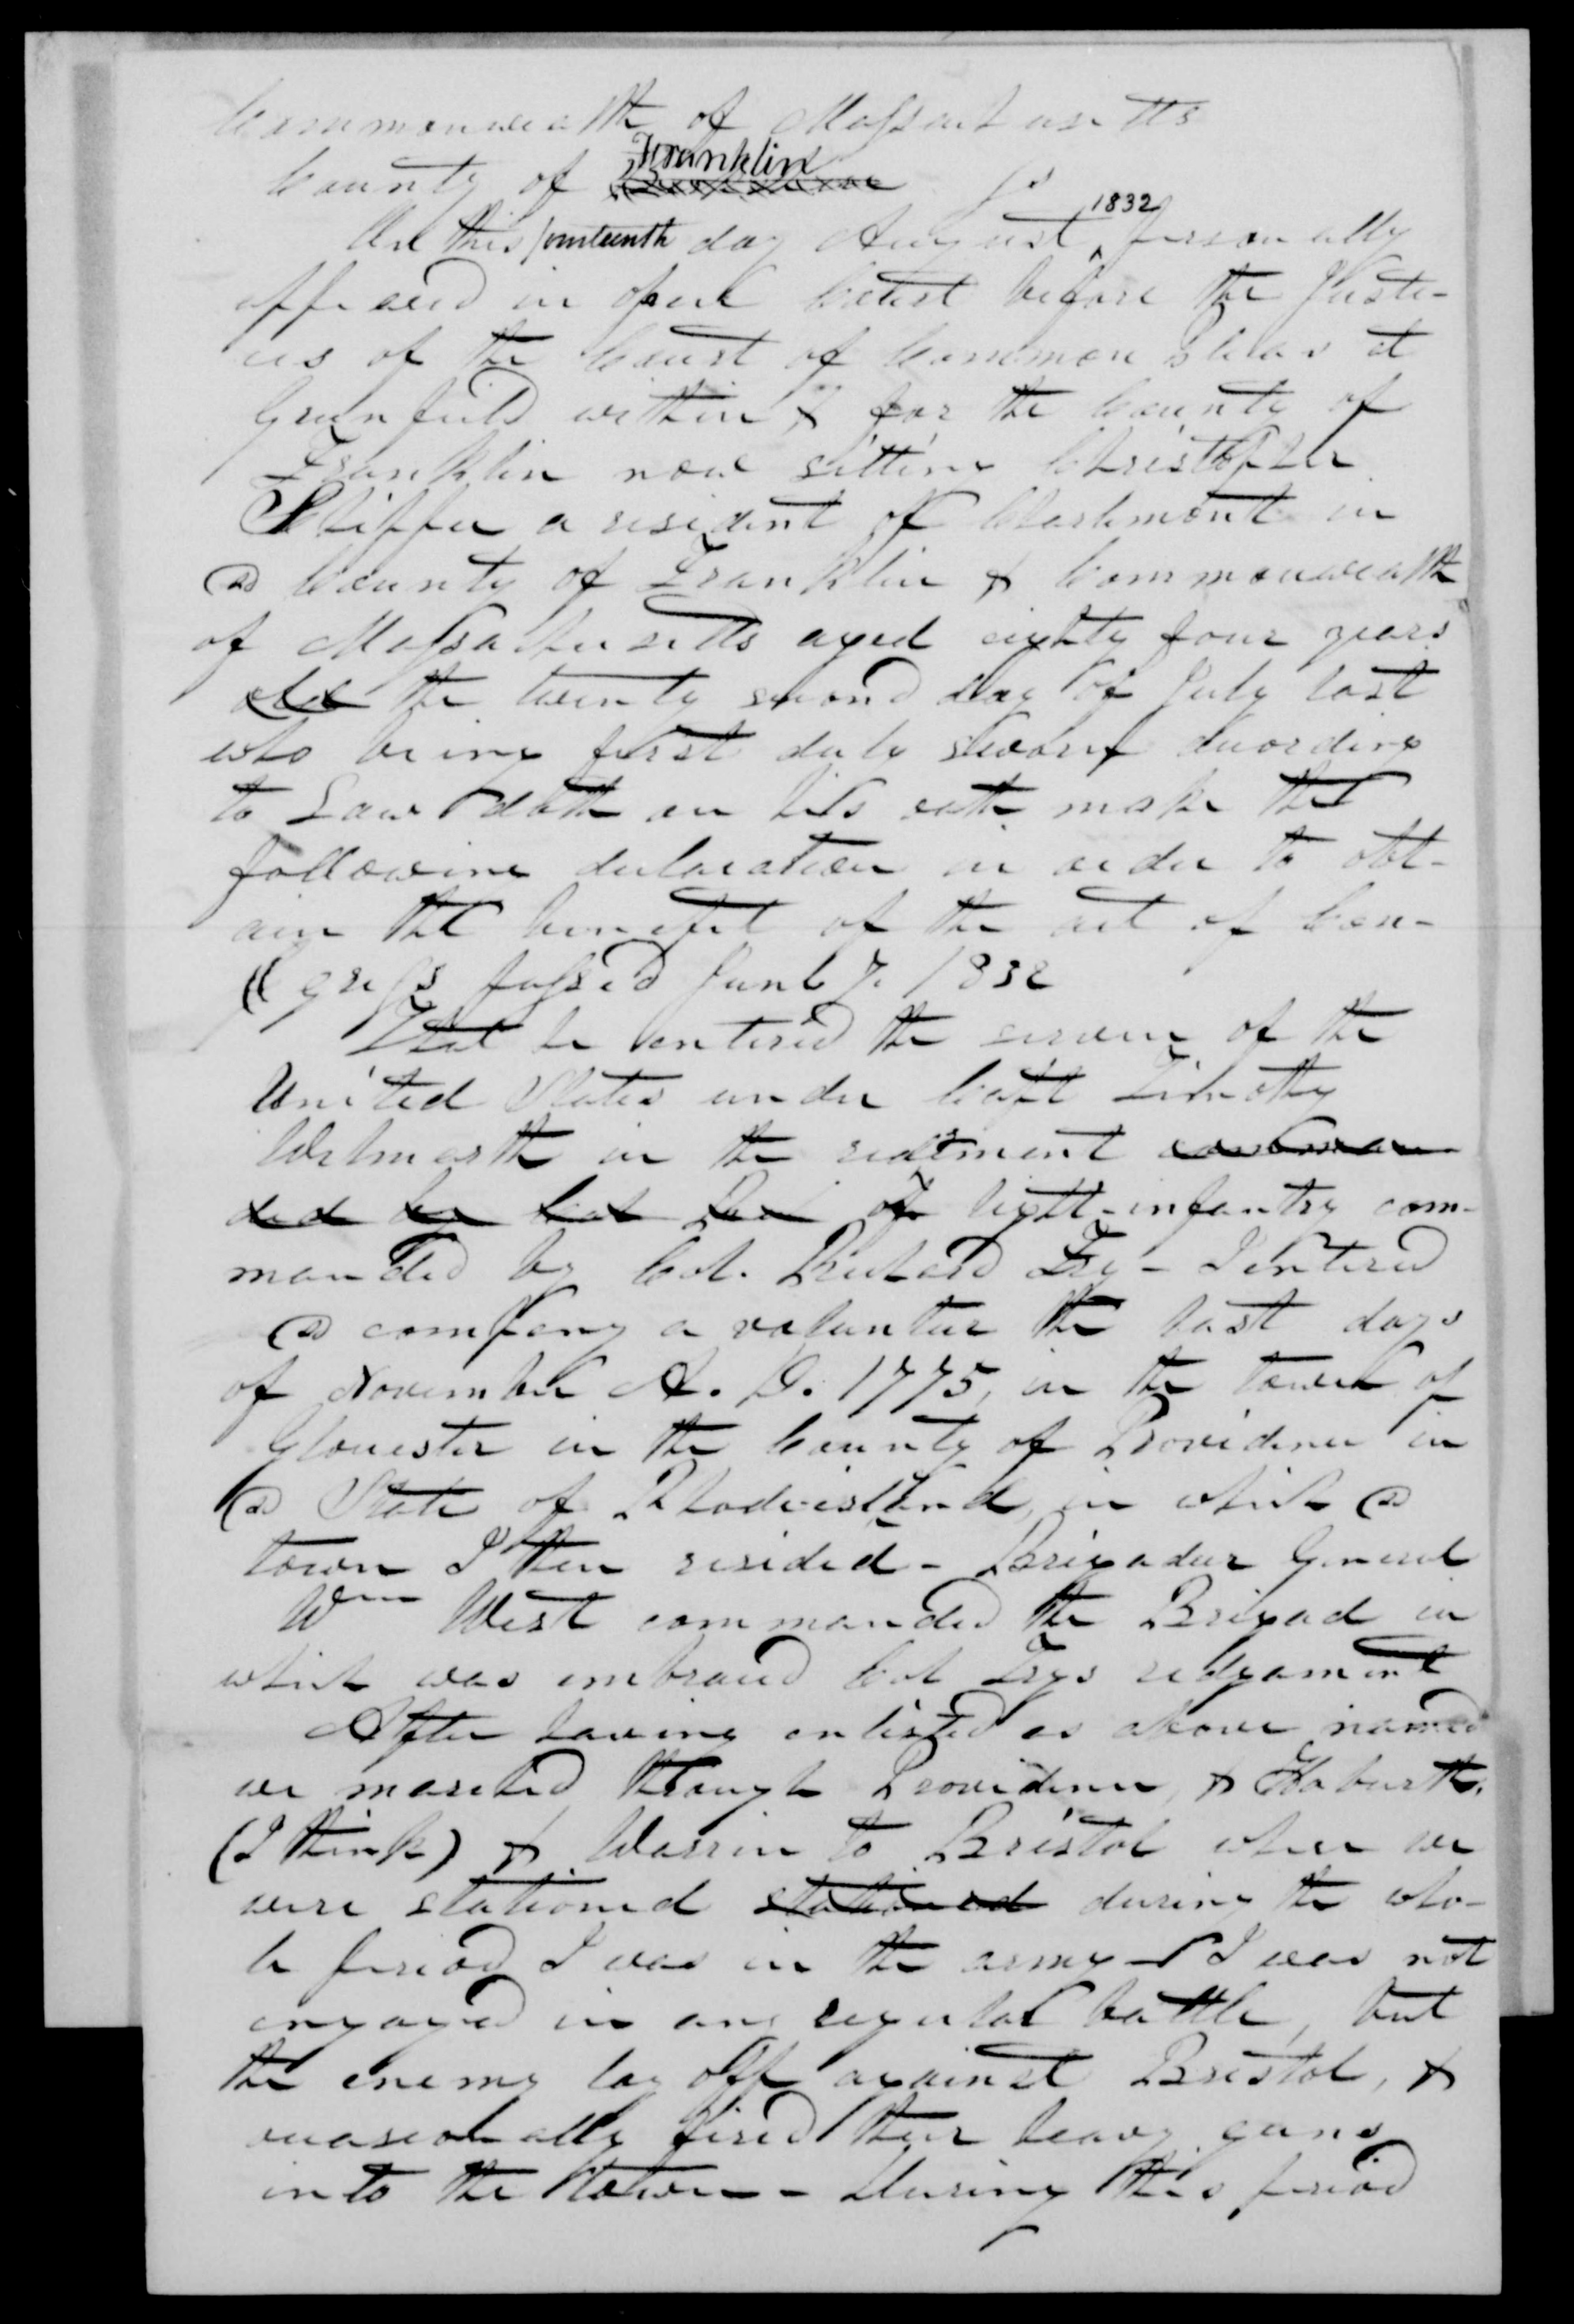Commonwealth of Massachusetts
County of Franklin
On this fourteenth day August 1832 personally
appeared in open court before the Justice
of the Court of Common [illegible] at Greenfield within & for the County of
Franklin now sitting Christopher
Shippee a resident of Charlemont in the
County of Franklin & Commonwealth
of Massachusetts aged eighty four years
the twenty second day of July last
who being first duly sworn according to
Law doth on his oath make the following declaration in order to obtain the [illegible] of the act of Congress passed June 7. 1832
That he ventured the service of the United States under Capt Timothy Wilmarth in the month in the regiment light infantry commanded by Col Richard Fry - I entered company a volunteer the last days
of November A.D. 1775 in the town of
Glocester in the County of Providence in the
State of Rhode Island in which the
town I then resided-- Brigadeer General
Wm West commanded the Brigade in
which was embraced but Frys ridgement
After having enlisted as above named
we marched through Providence & burth
(I think) & Warren to Bristol when we
were stationed during the whole period I was in the army. I was not engaged in any regular battle, but the enemy was off against Bristol, &
was and ally fired their heavy guns
into the town during this period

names: Wm West; Richard Fry; Timothy Wilmarth; Christopher Shippee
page: 6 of 20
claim: survivor's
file: S. 30,698, for Christopher Shippee, Rhode Island